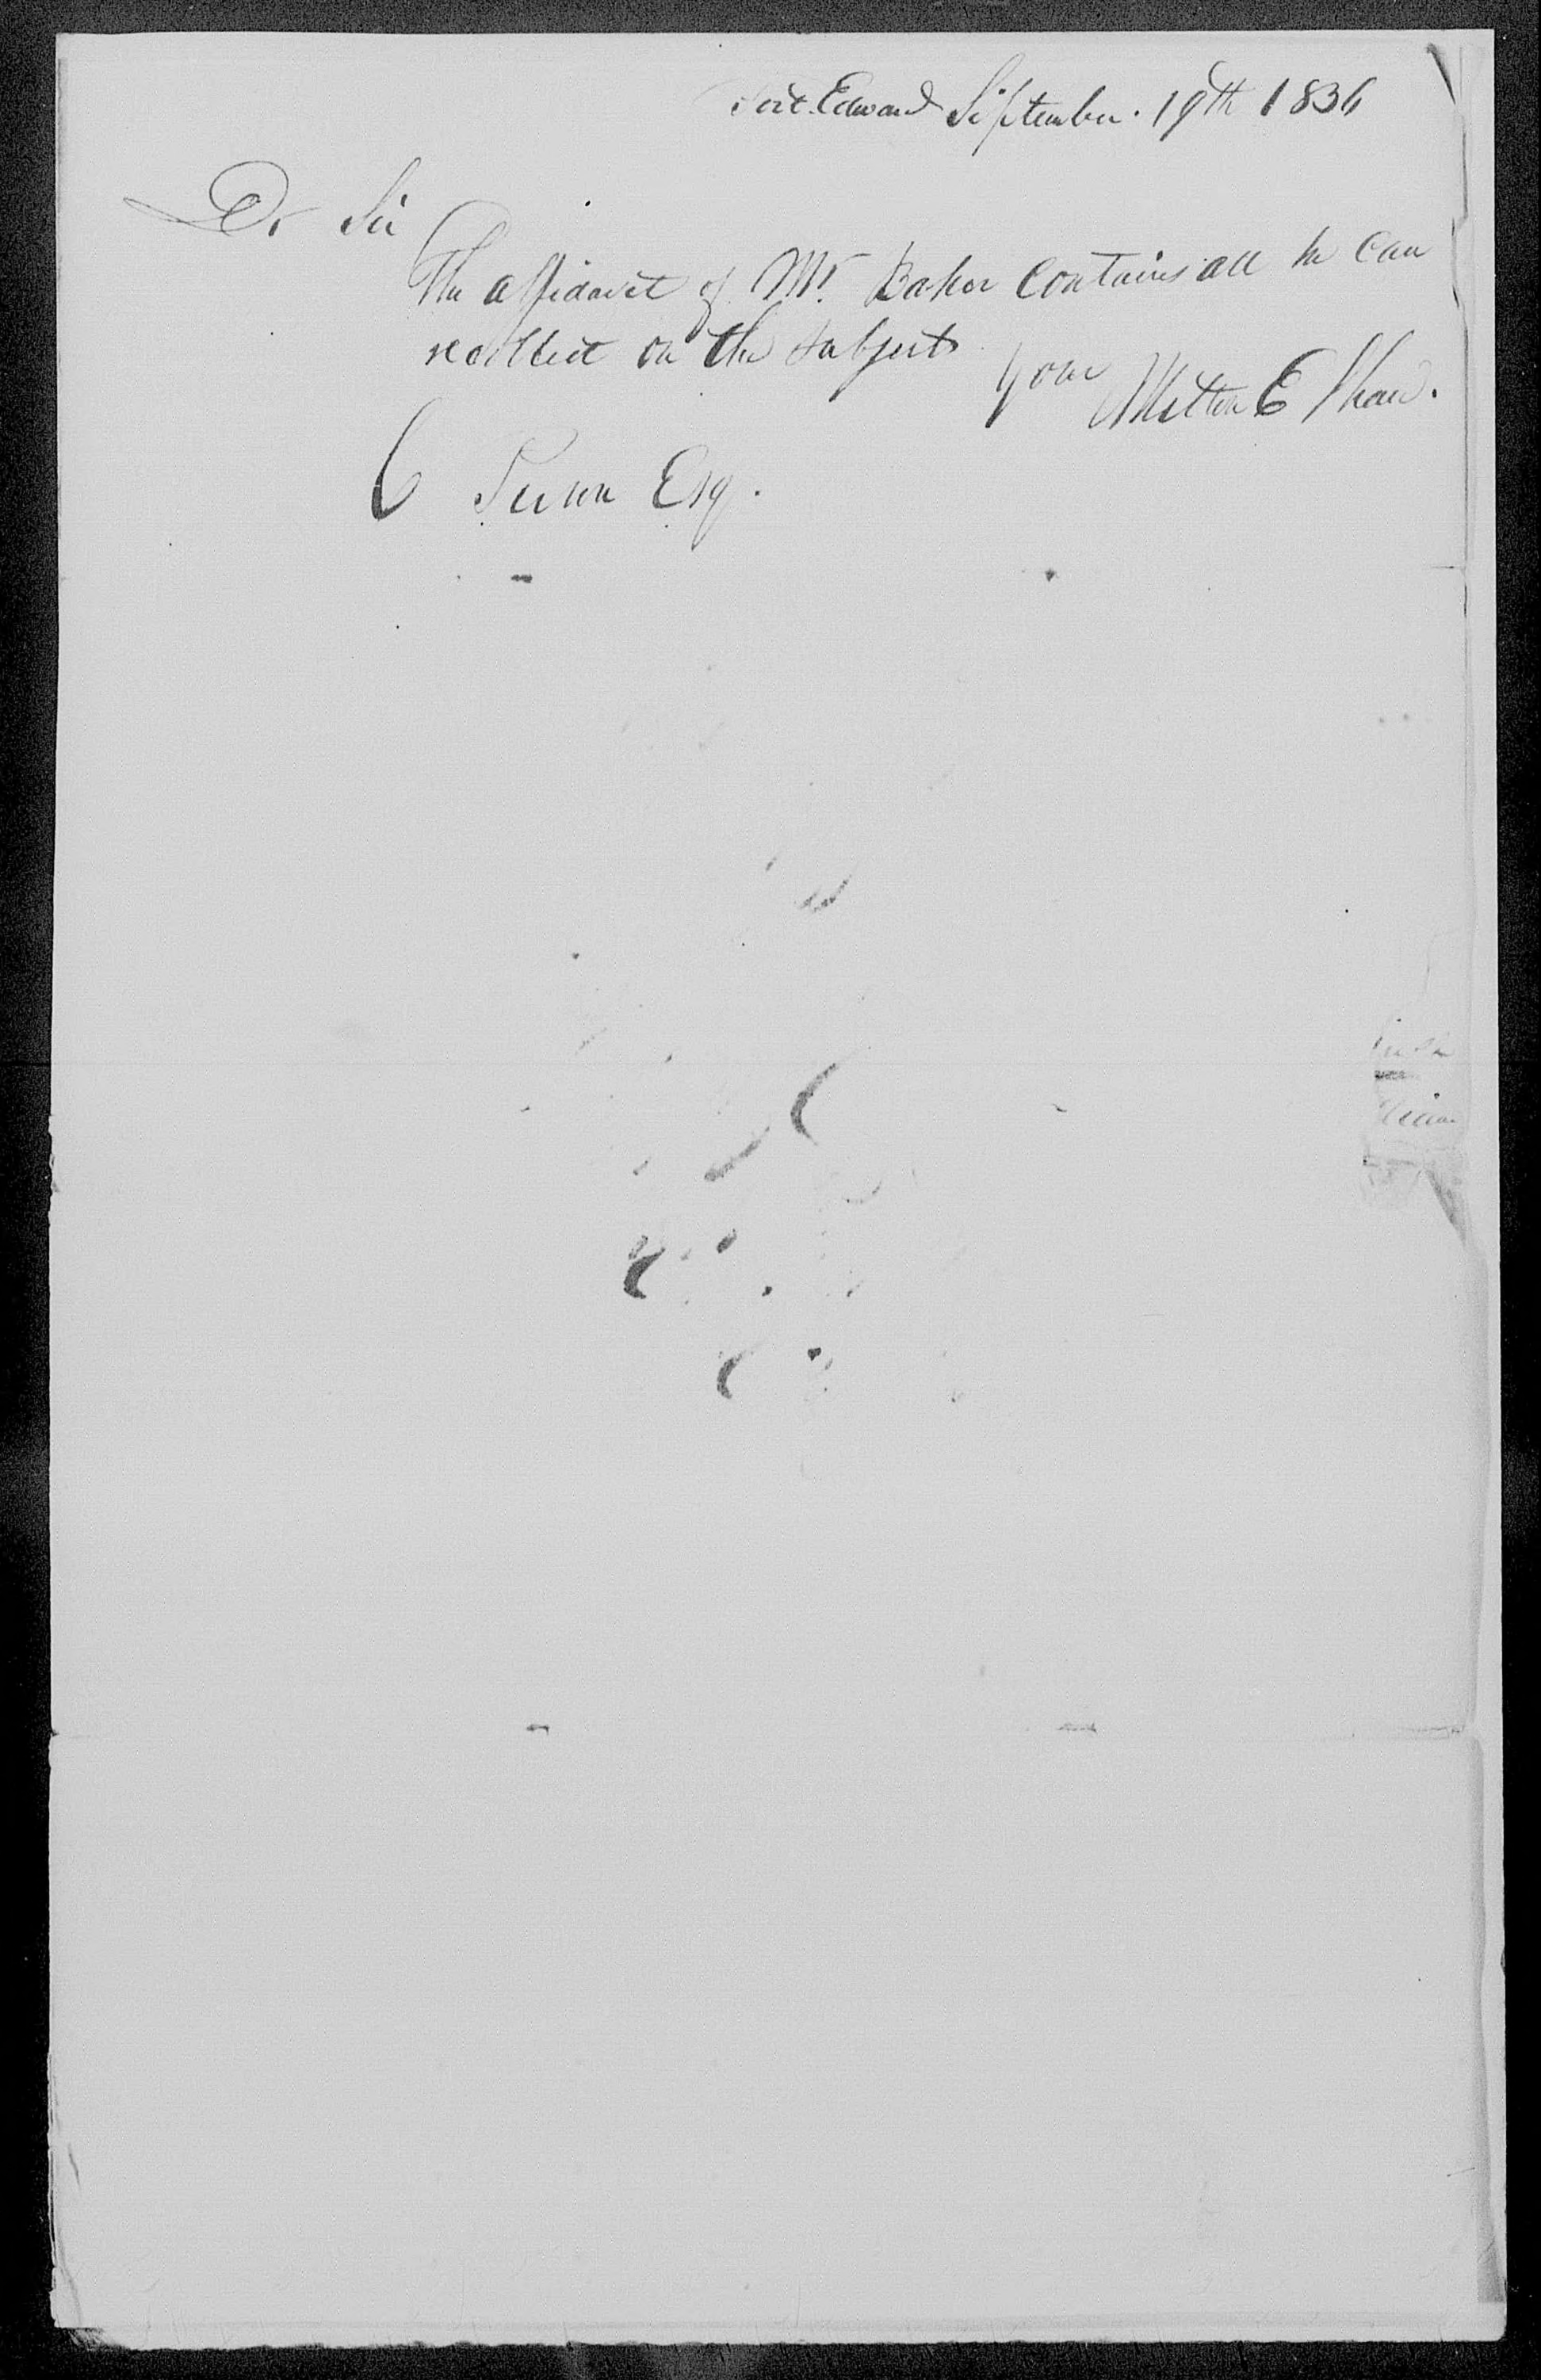Fort Edward September 19th 1836

Dear Sir
As a private of Mr Baker contains all he can recollect on the subject
Your Milton E. Shaw

C Person Esq.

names: Baker, Milton E Shaw, C Person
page: 64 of 83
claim: widow's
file: W. 10,384, Oliver Barrett, Continental (Vt.) N.Y.